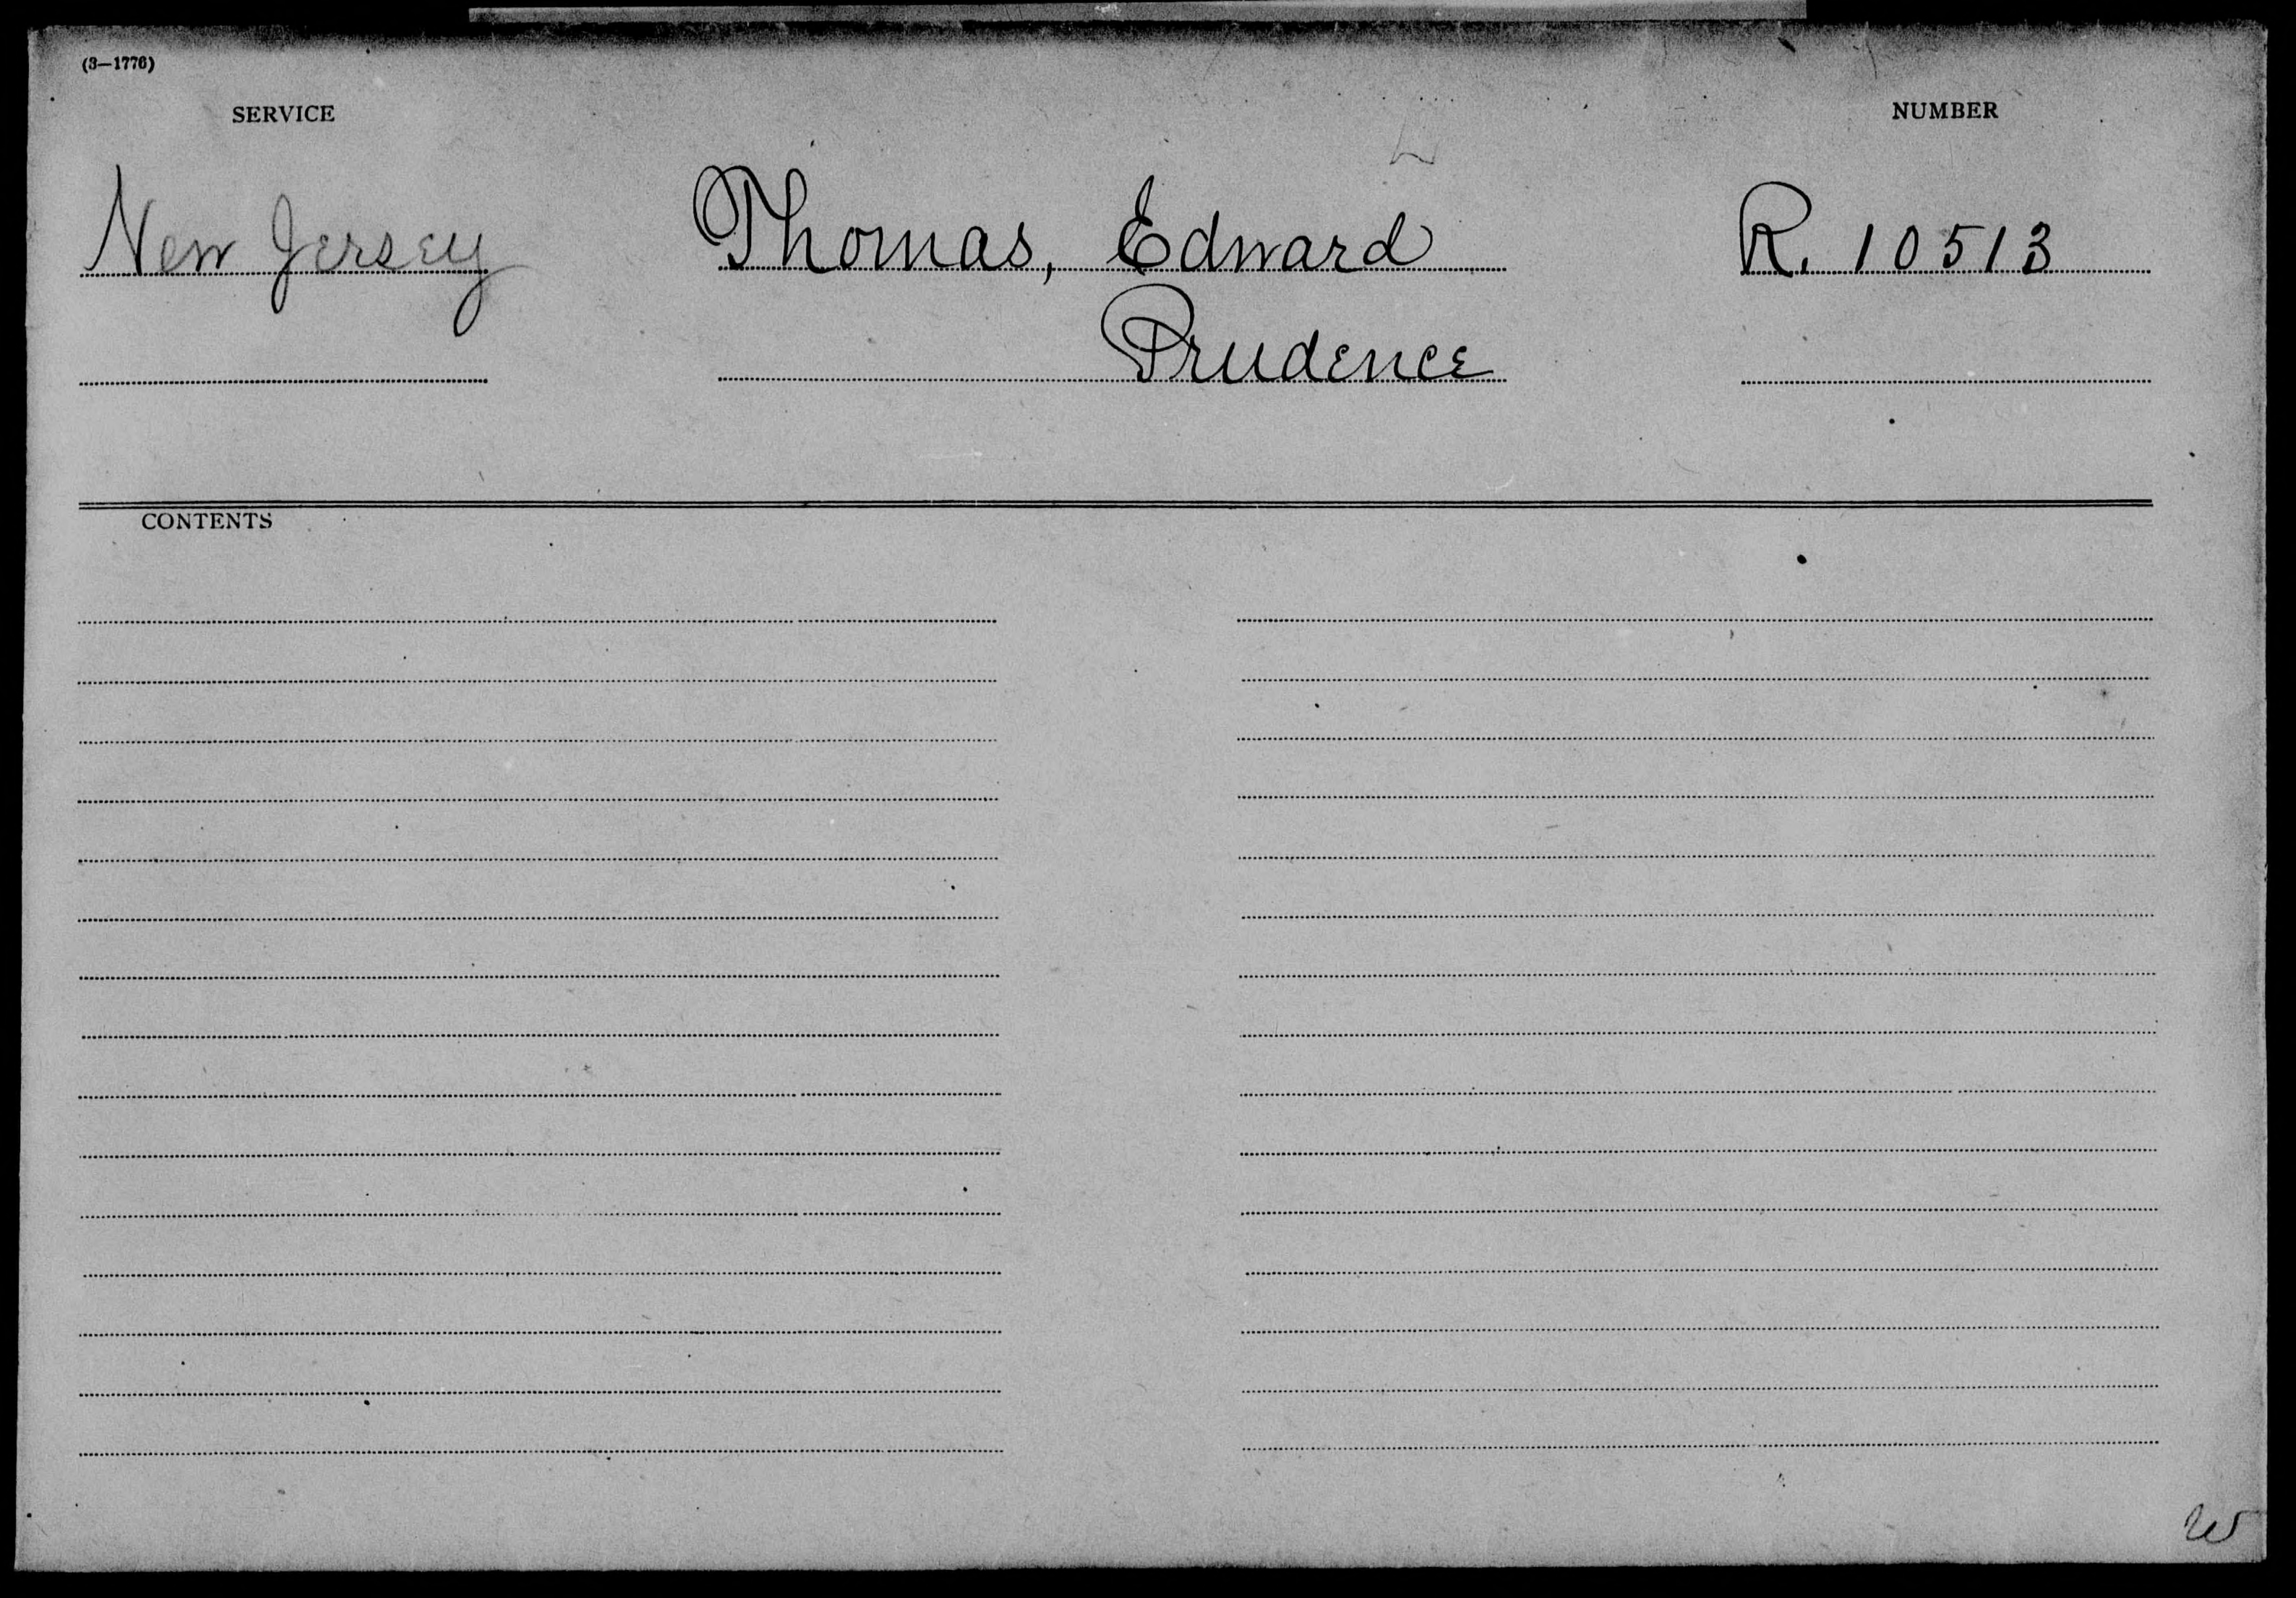Service
New Jersey
Thomas, Edward
              Prudence
number R10513

contents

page: 1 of 25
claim: rejected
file: R. 10513, for Edward Thomas, New Jersey